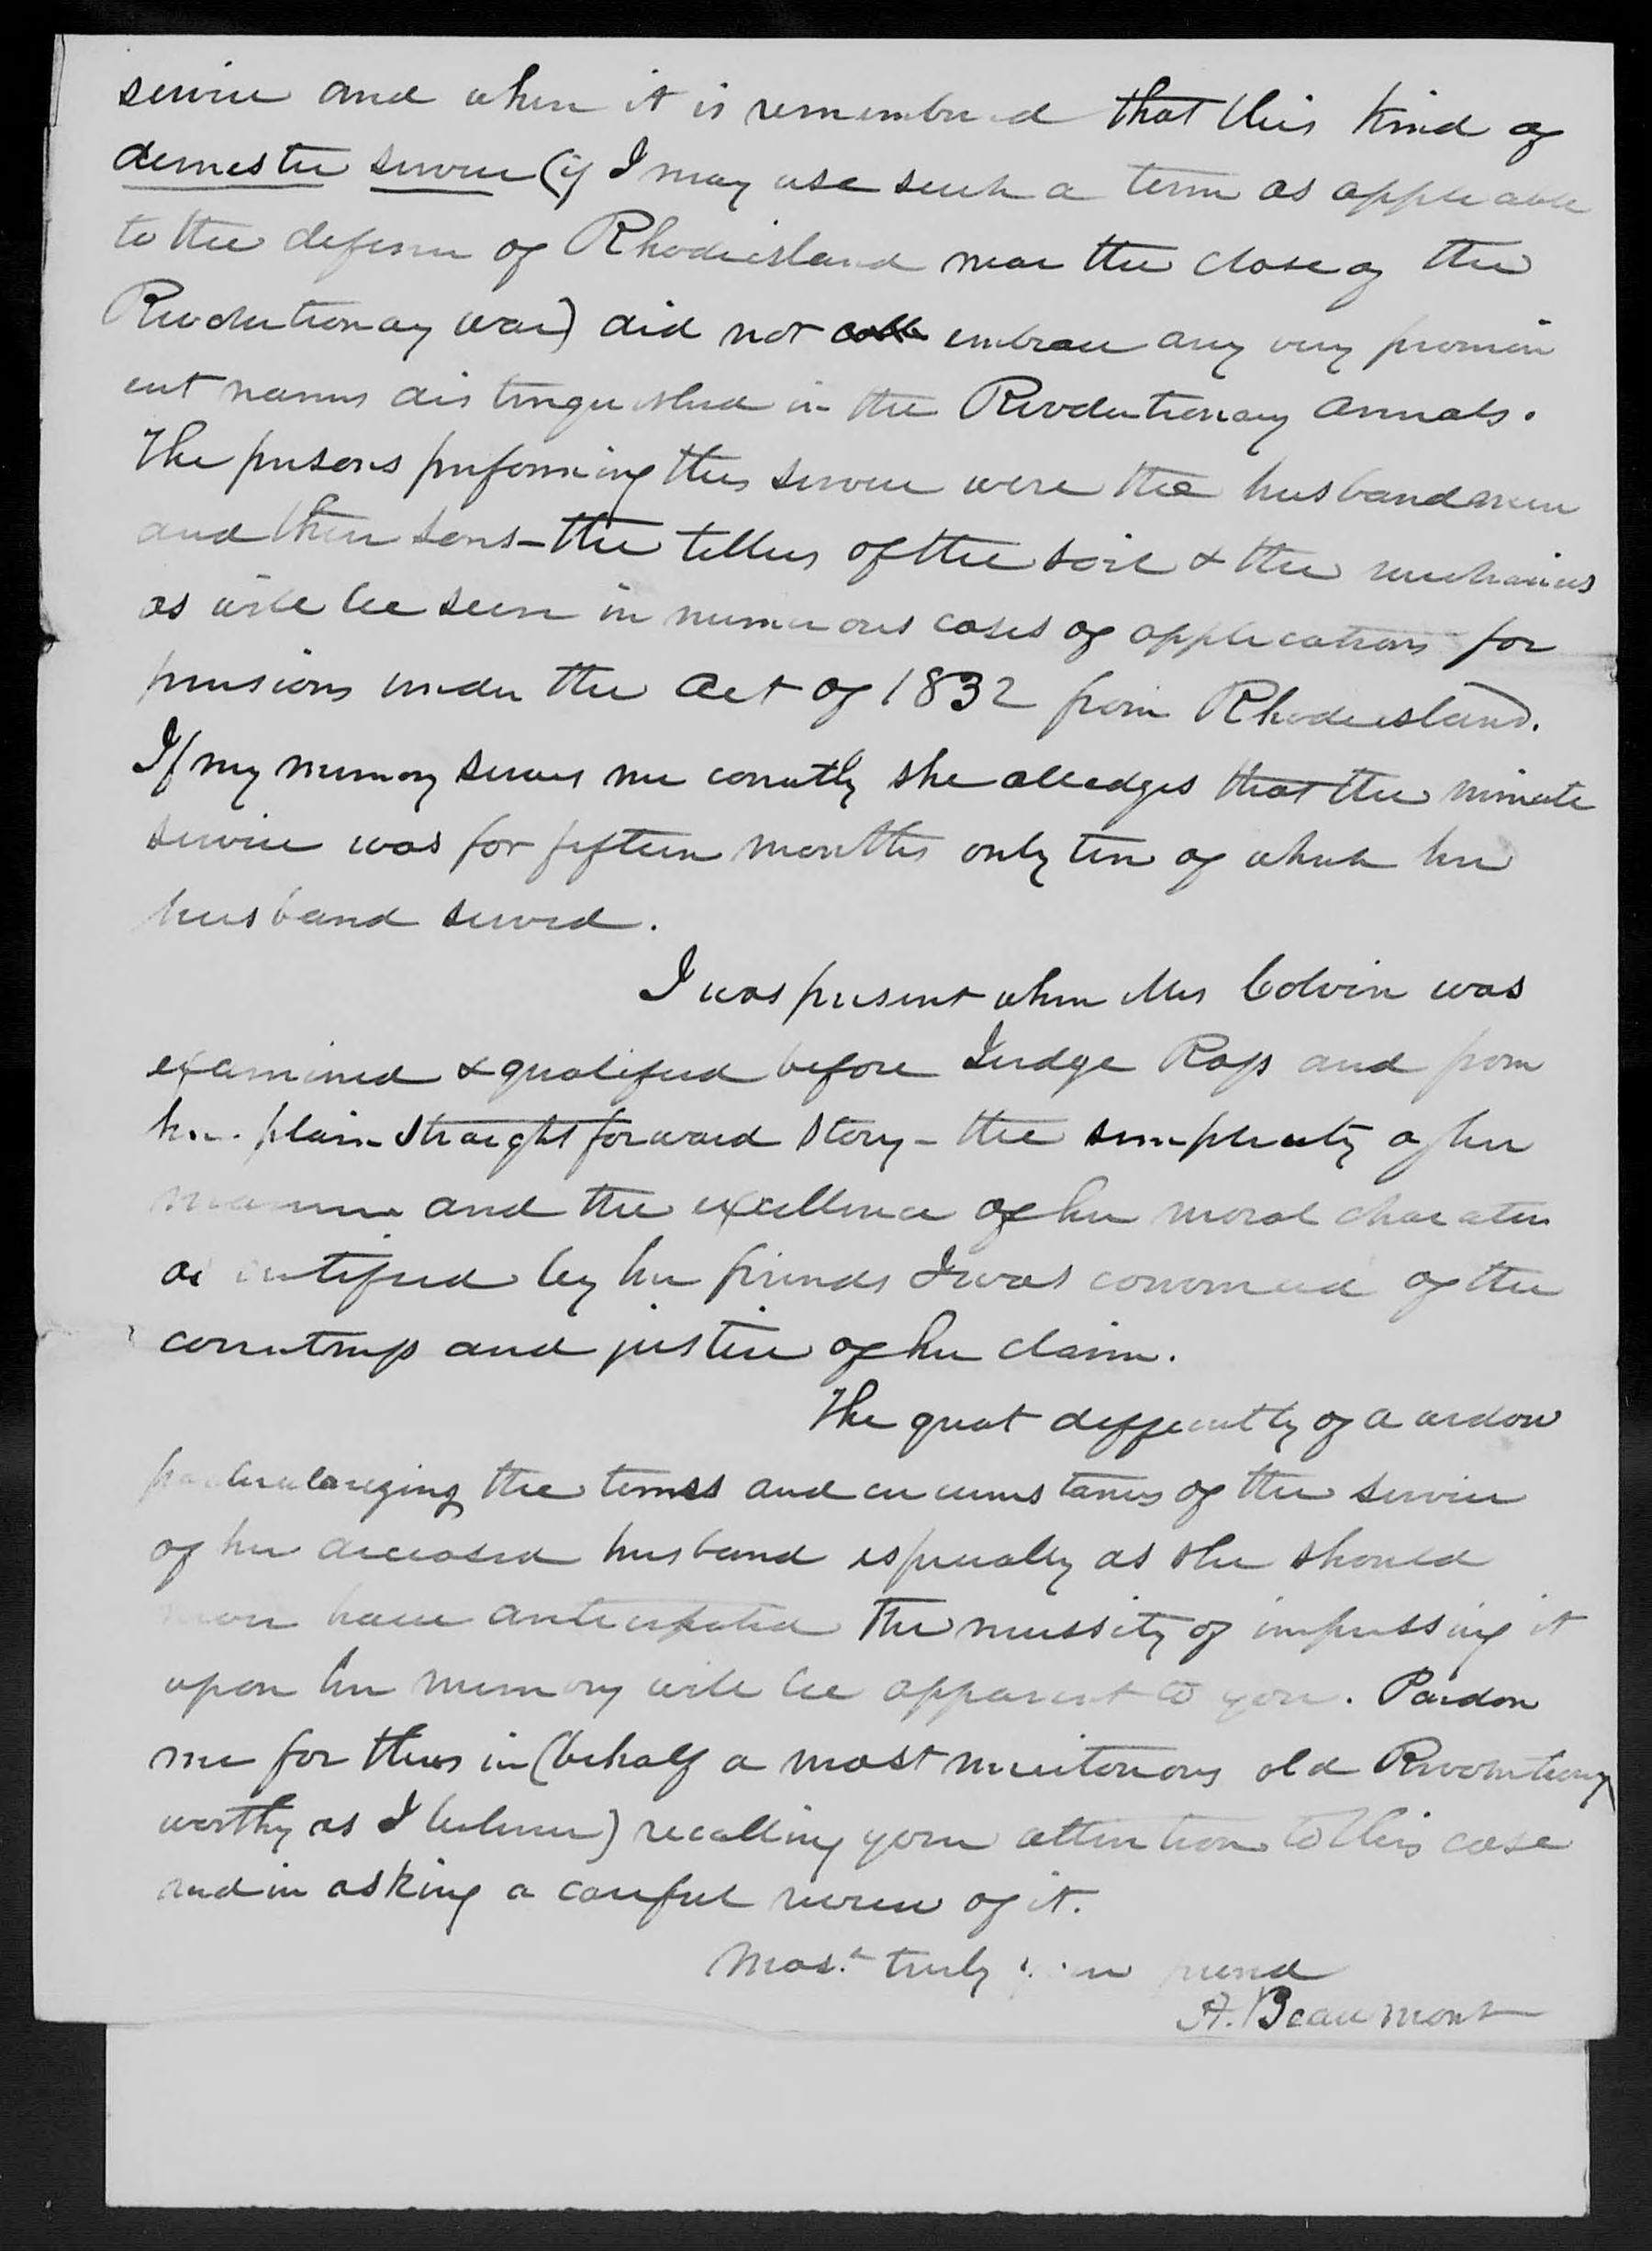service and when it is remembered that this kind of [illegible] service (if I may use such a term as applicable to the defence of Rhodeisland near the close of the Revolutionary War) did not enbrace any very prominent names distinguished in the Revolutionary annals. The persons performing this service were the husbands and their sons. The tillers of the soil & the [illegible] as will be seen in numerous cases of applications for pensions under the act of 1832 from Rhodeisland. If my memory serves me correctly she alledges that the minute service was for fifteen months only ten of which her husband served.
I was present when Mrs. Colvin was examined & qualified before Judge Ross and from her plain straight forward story.  The simplicity often [illegible] and the excellence of her moral character as certified by her friends. I was convinced of the correctness and justice of her claim.
The great difficulty of a widow [illegible] the times and circumstances of the service of her deceased husband especially as she should [illegible] have anticipated. The necessity of impressing it upon her memory will be apparent to you. Pardon me for there in (behalf a most [illegible] old Revolutionary wothy as I believe) recalling your attention to this case and in asking a careful review of it.
Mos. truly your friend
A. Beaumont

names: A Beaumont, Pardon, Colvin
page: 32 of 41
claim: widow's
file: W. 3513, Philip Colvin, R.I.